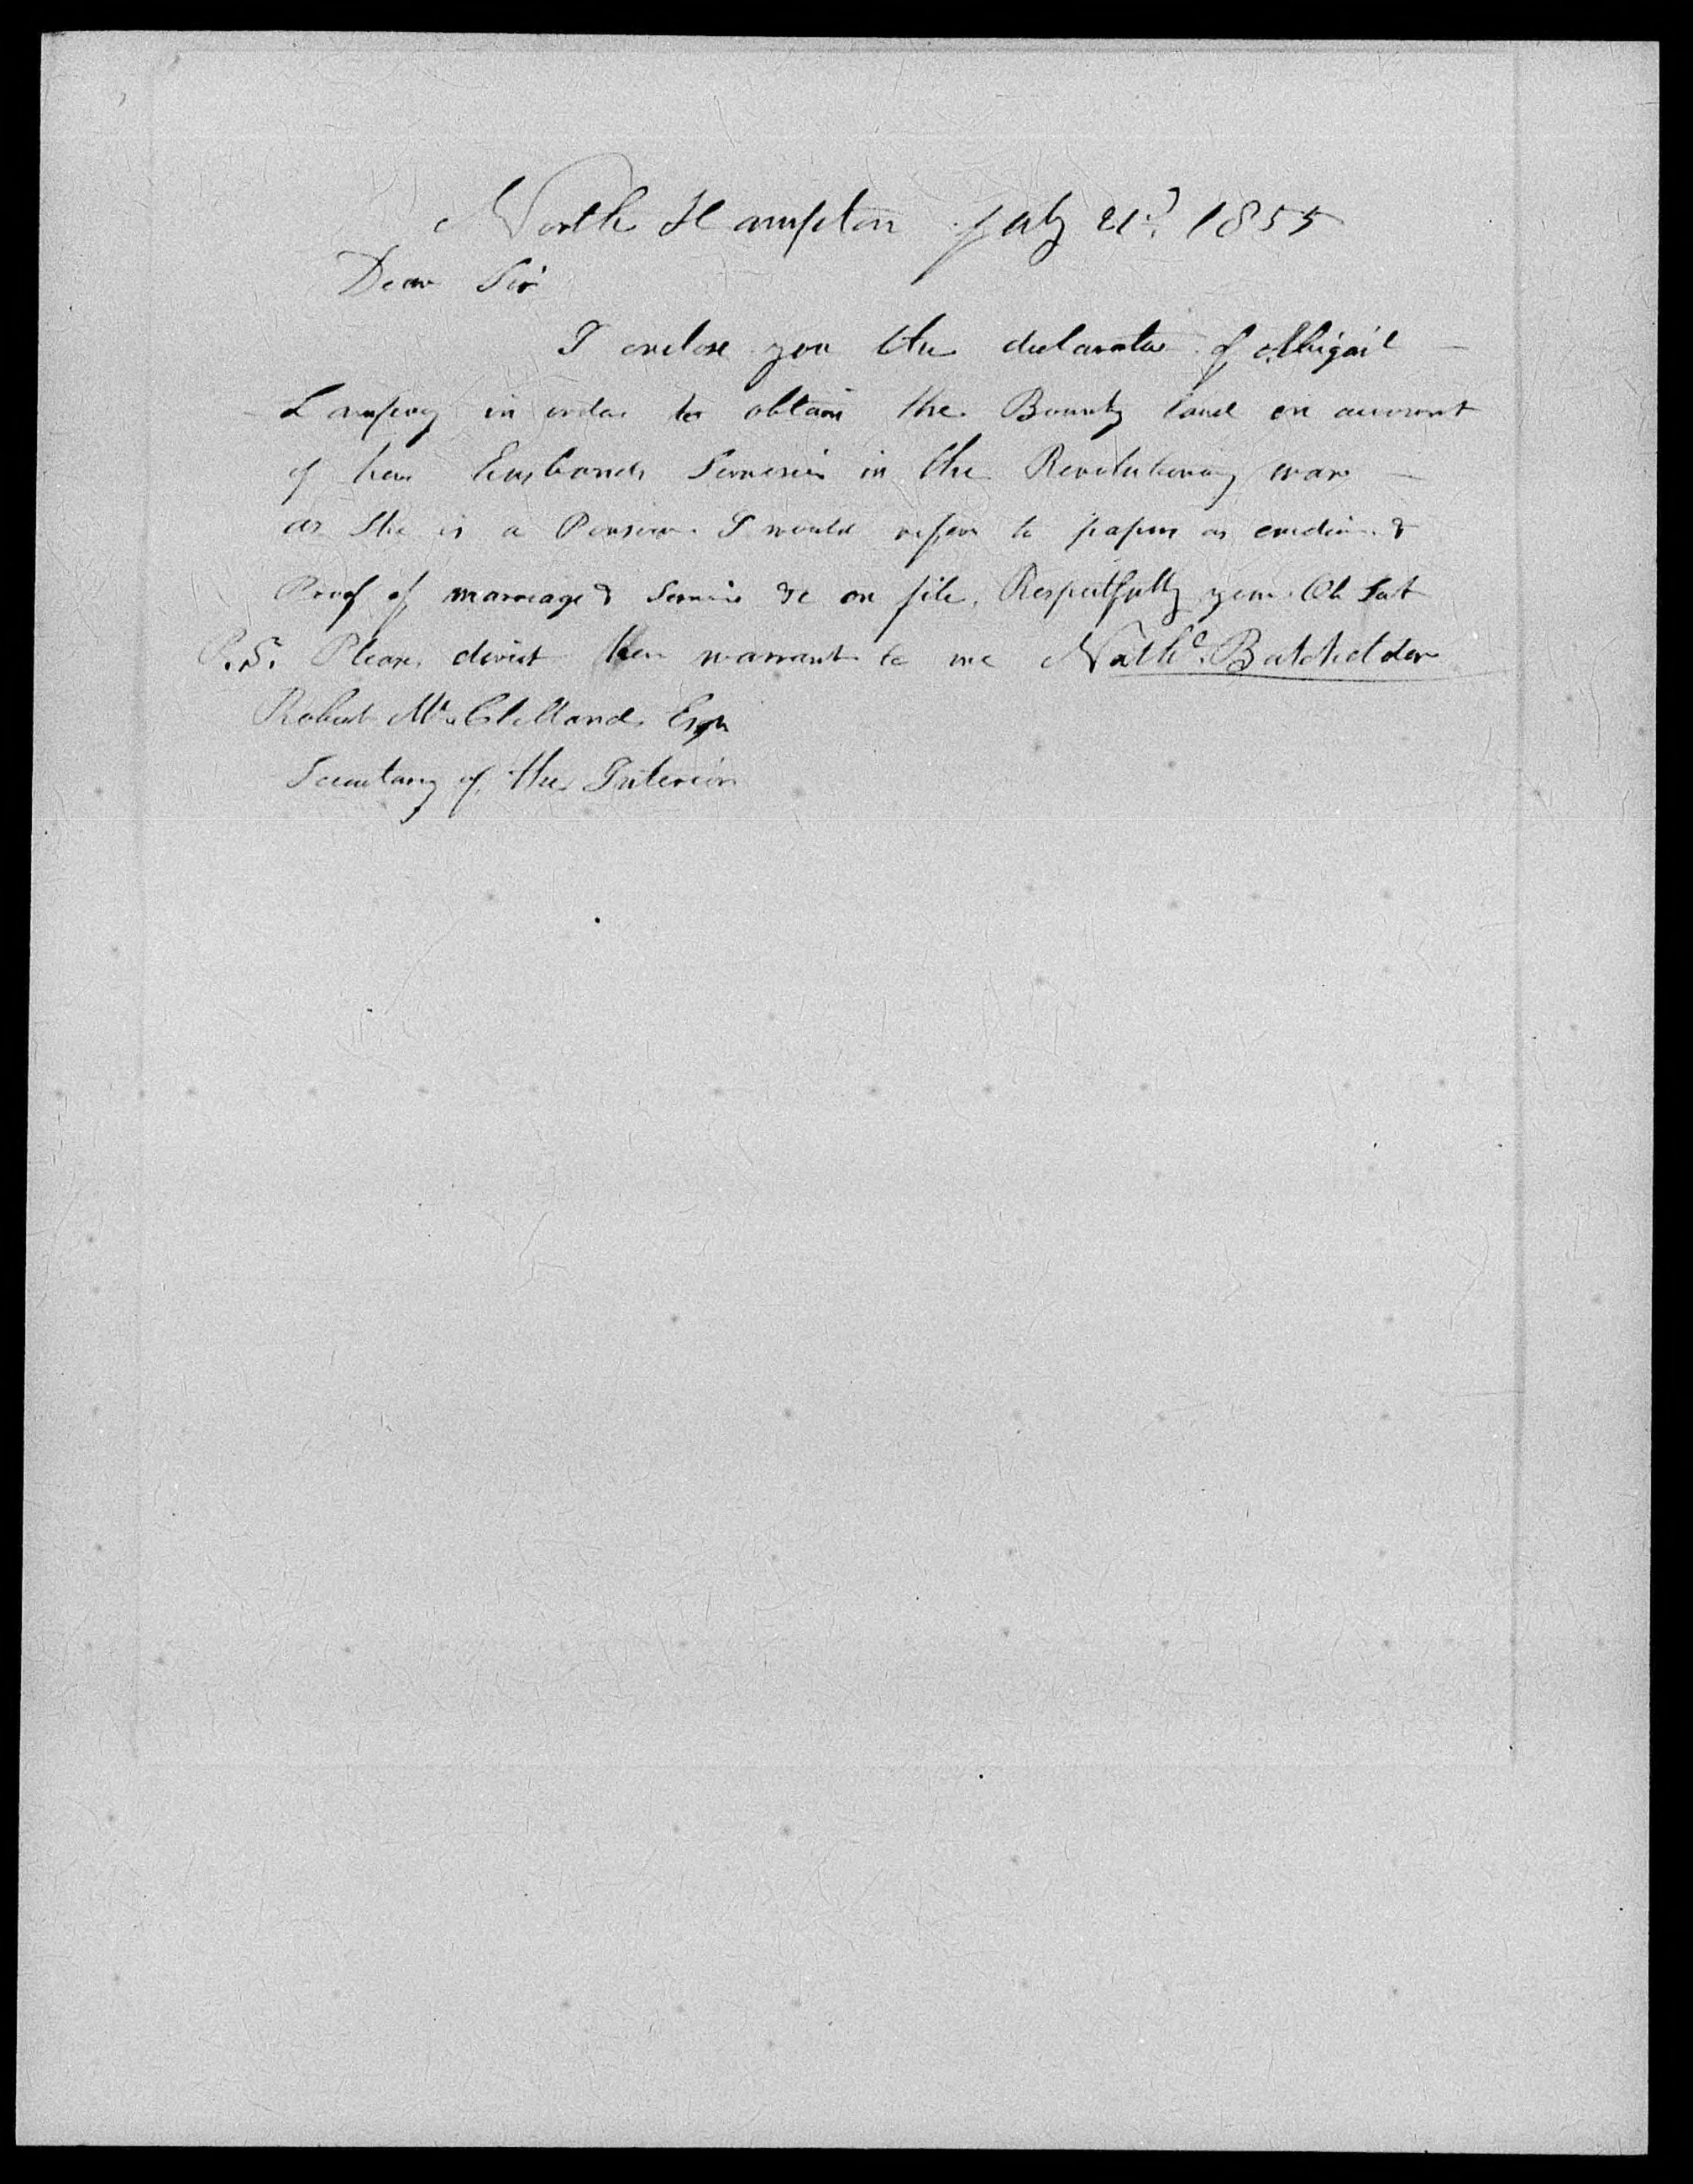North Hampton Feby [FEBRUARY] 21 1855
Dear Sir
I enclose you the declaration of Abigail Lamprey in order to obtain the Bounty Land on account of her husbands [sic] service in the Revolutionary war - as she is a Pensioner I would refer to papers as evidence & Proof of marriage & service on file. Respectfully your Obt [OBEDIENT] Servt [SERVANT] Nathl [NATHANIEL] Batchelder

P.S. Please [illegible] her warrant to me Robert Mc Clelland Esqr [ESQUIRE] Secretary of the Interior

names: Nathl Batchelder; Robert Mc Clelland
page: 17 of 53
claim: widow's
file: W. 492, for Daniel Lamprey, New Hampshire